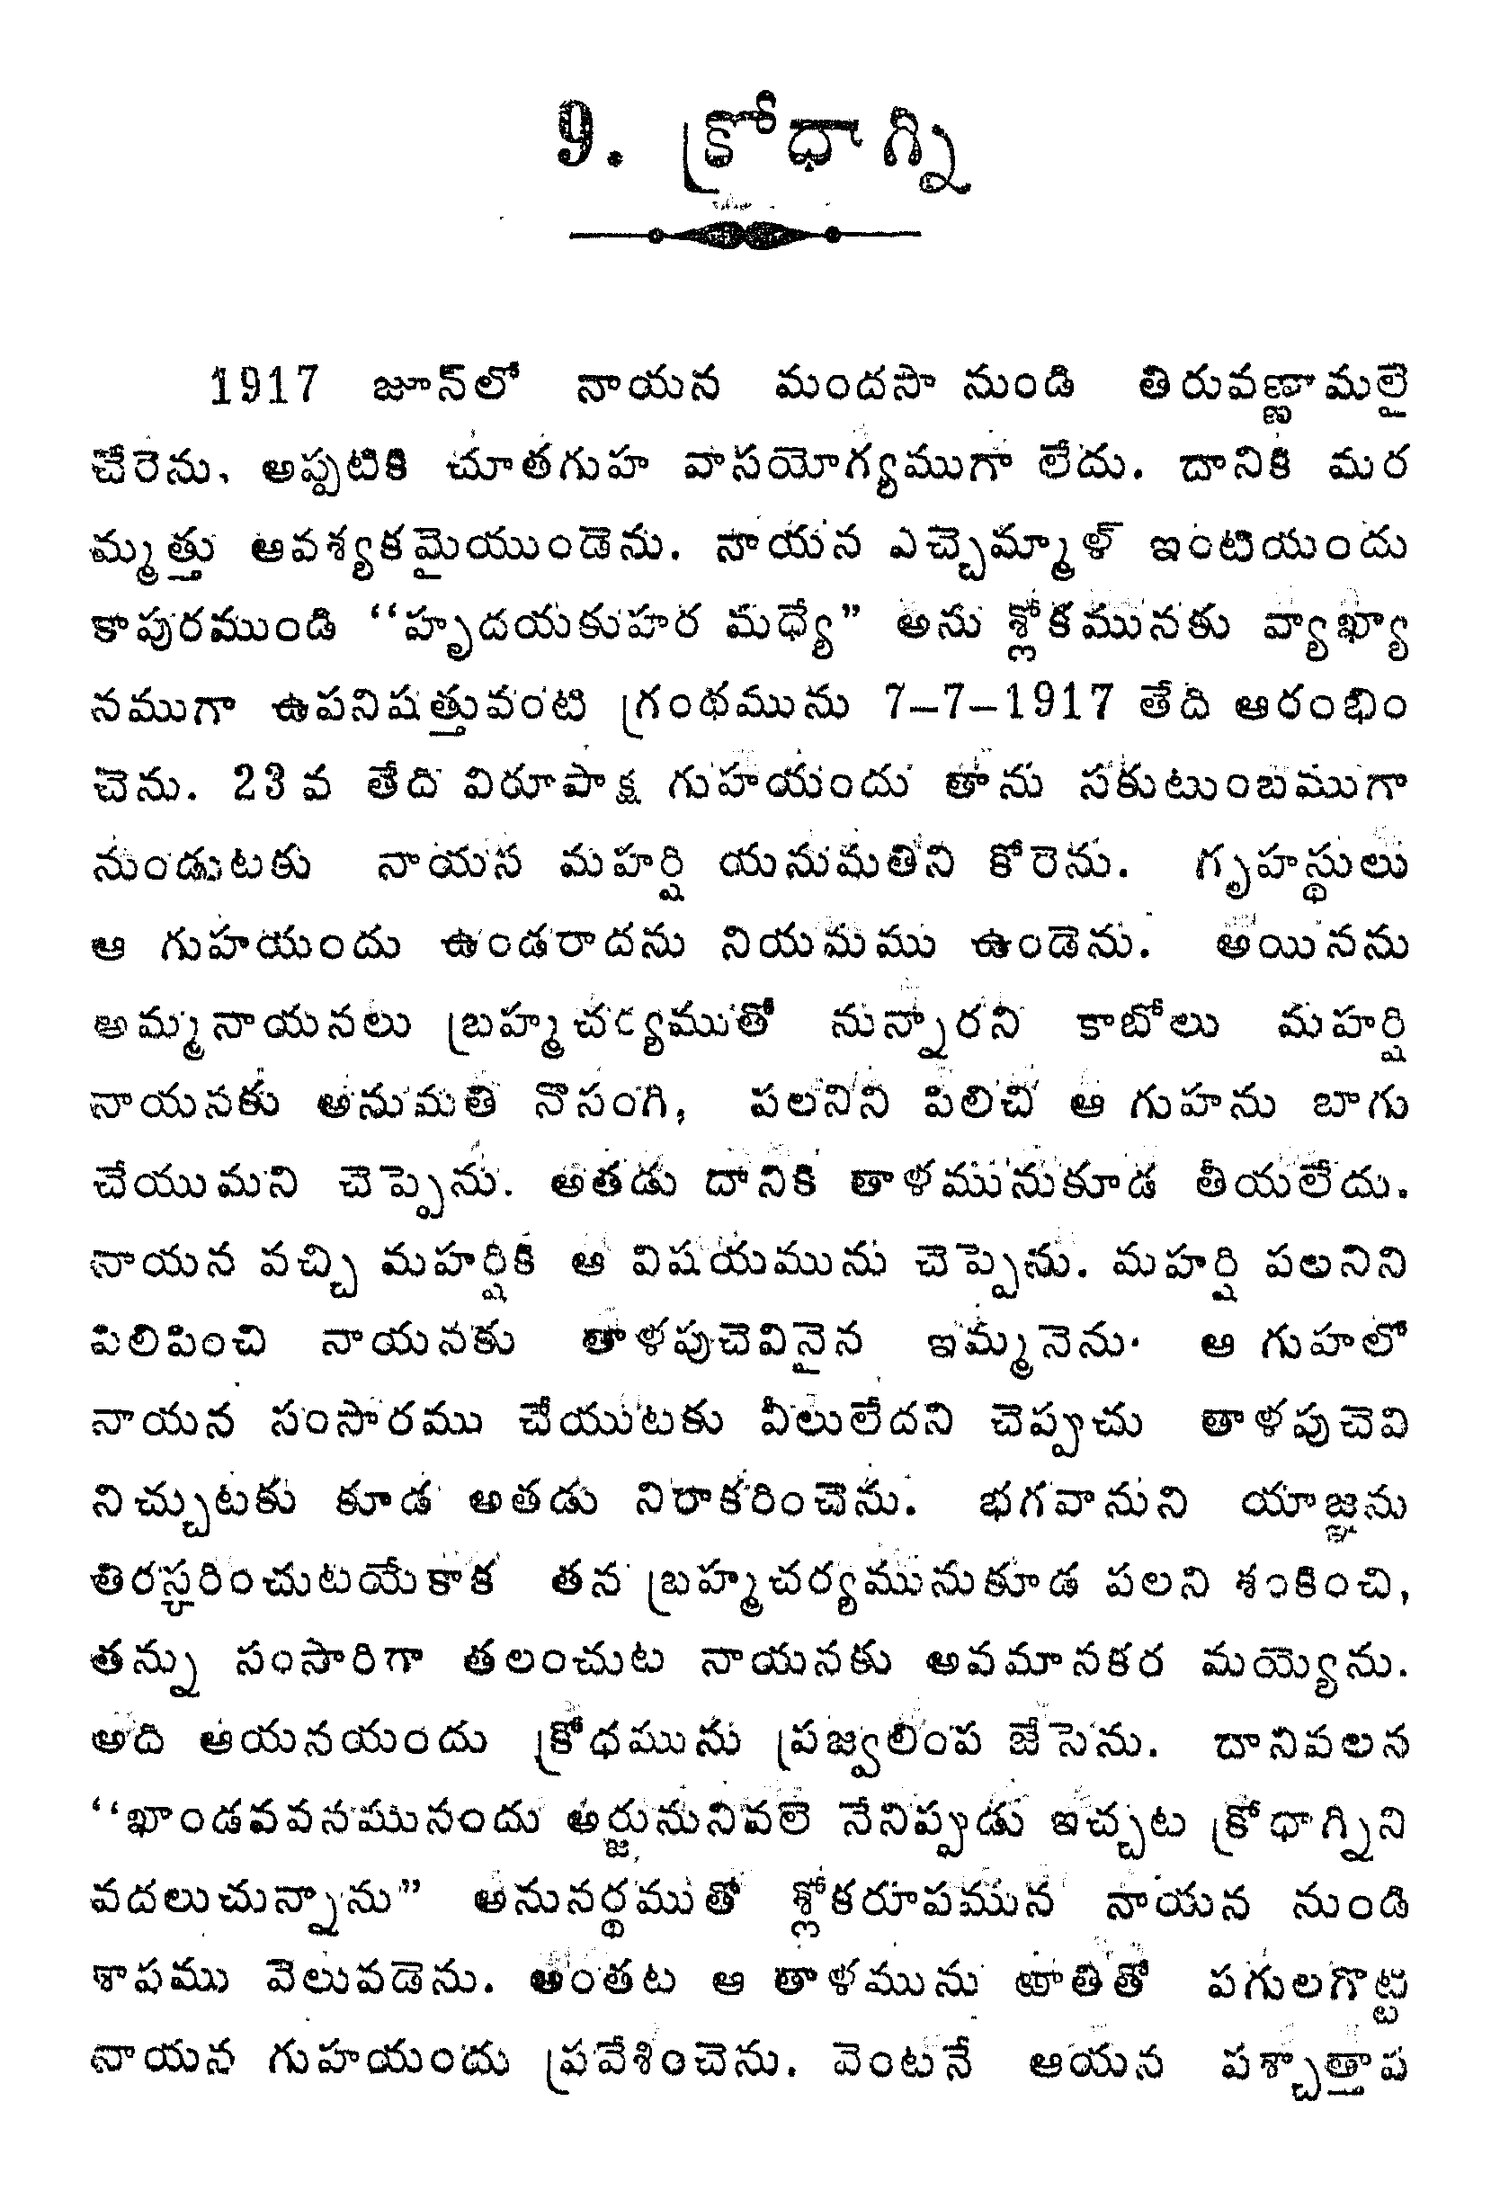1917 జూన్‌లో నాయన మందసా నుండి తిరువణ్ణామలై చేరెను. అప్పటికి చూతగుహ వాసయోగ్యముగా లేదు. దానికి మరమ్మత్తు అవశ్యకమైయుండెను. నాయన ఎచ్చెమ్మాళ్ ఇంటియందు కాపురముండి "హృదయకుహర మధ్యే" అను శ్లోకమునకు వ్యాఖ్యానముగా ఉపనిషత్తువంటి గ్రంథమును 7-7-1917 తేది ఆరంభించెను. 23వ తేది విరూపాక్ష గుహయందు తాను సకుటుంబముగా నుండుటకు నాయన మహర్షి యనుమతిని కోరెను. గృహస్థులు ఆ గుహయందు ఉండరాదను నియమము ఉండెను. అయినను అమ్మనాయనలు బ్రహ్మచర్యముతో నున్నారని కాబోలు మహర్షి నాయనకు అనుమతి నొసంగి, పలనిని పిలిచి అ గుహను బాగుచేయుమని చెప్పెను. అతడు దానికి తాళమునుకూడ తీయలేదు. నాయన వచ్చి మహర్షికి ఆ విషయమును చెప్పెను. మహర్షి పలనిని పిలిపించి నాయనకు తాళపుచెవినైన ఇమ్మనెను. ఆ గుహలో నాయన సంసారము చేయుటకు వీలులేదని చెప్పుచు తాళపుచెవి నిచ్చుటకు కూడ అతడు నిరాకరించెను. భగవానుని యాజ్ఞను తిరస్కరించుటయేకాక తన బ్రహ్మచర్యమునుకూడ పలని శంకించి, తన్ను సంసారిగా తలంచుట నాయనకు అవమానకర మయ్యెను. అది ఆయనయందు క్రోధమును ప్రజ్వలింప జేసెను. దానివలన "ఖాండవవనమునందు అర్జునునివలె నేనిప్పుడు ఇచ్చట క్రోధాగ్నిని వదలుచున్నాను" అనునర్థముతో శ్లోకరూపమున నాయన నుండి శాపము వెలువడెను. అంతట ఆ తాళమును ఱాతితో పగులగొట్టి నాయన గుహయందు ప్రవేశించెను. వెంటనే ఆయన పశ్చాత్తాప